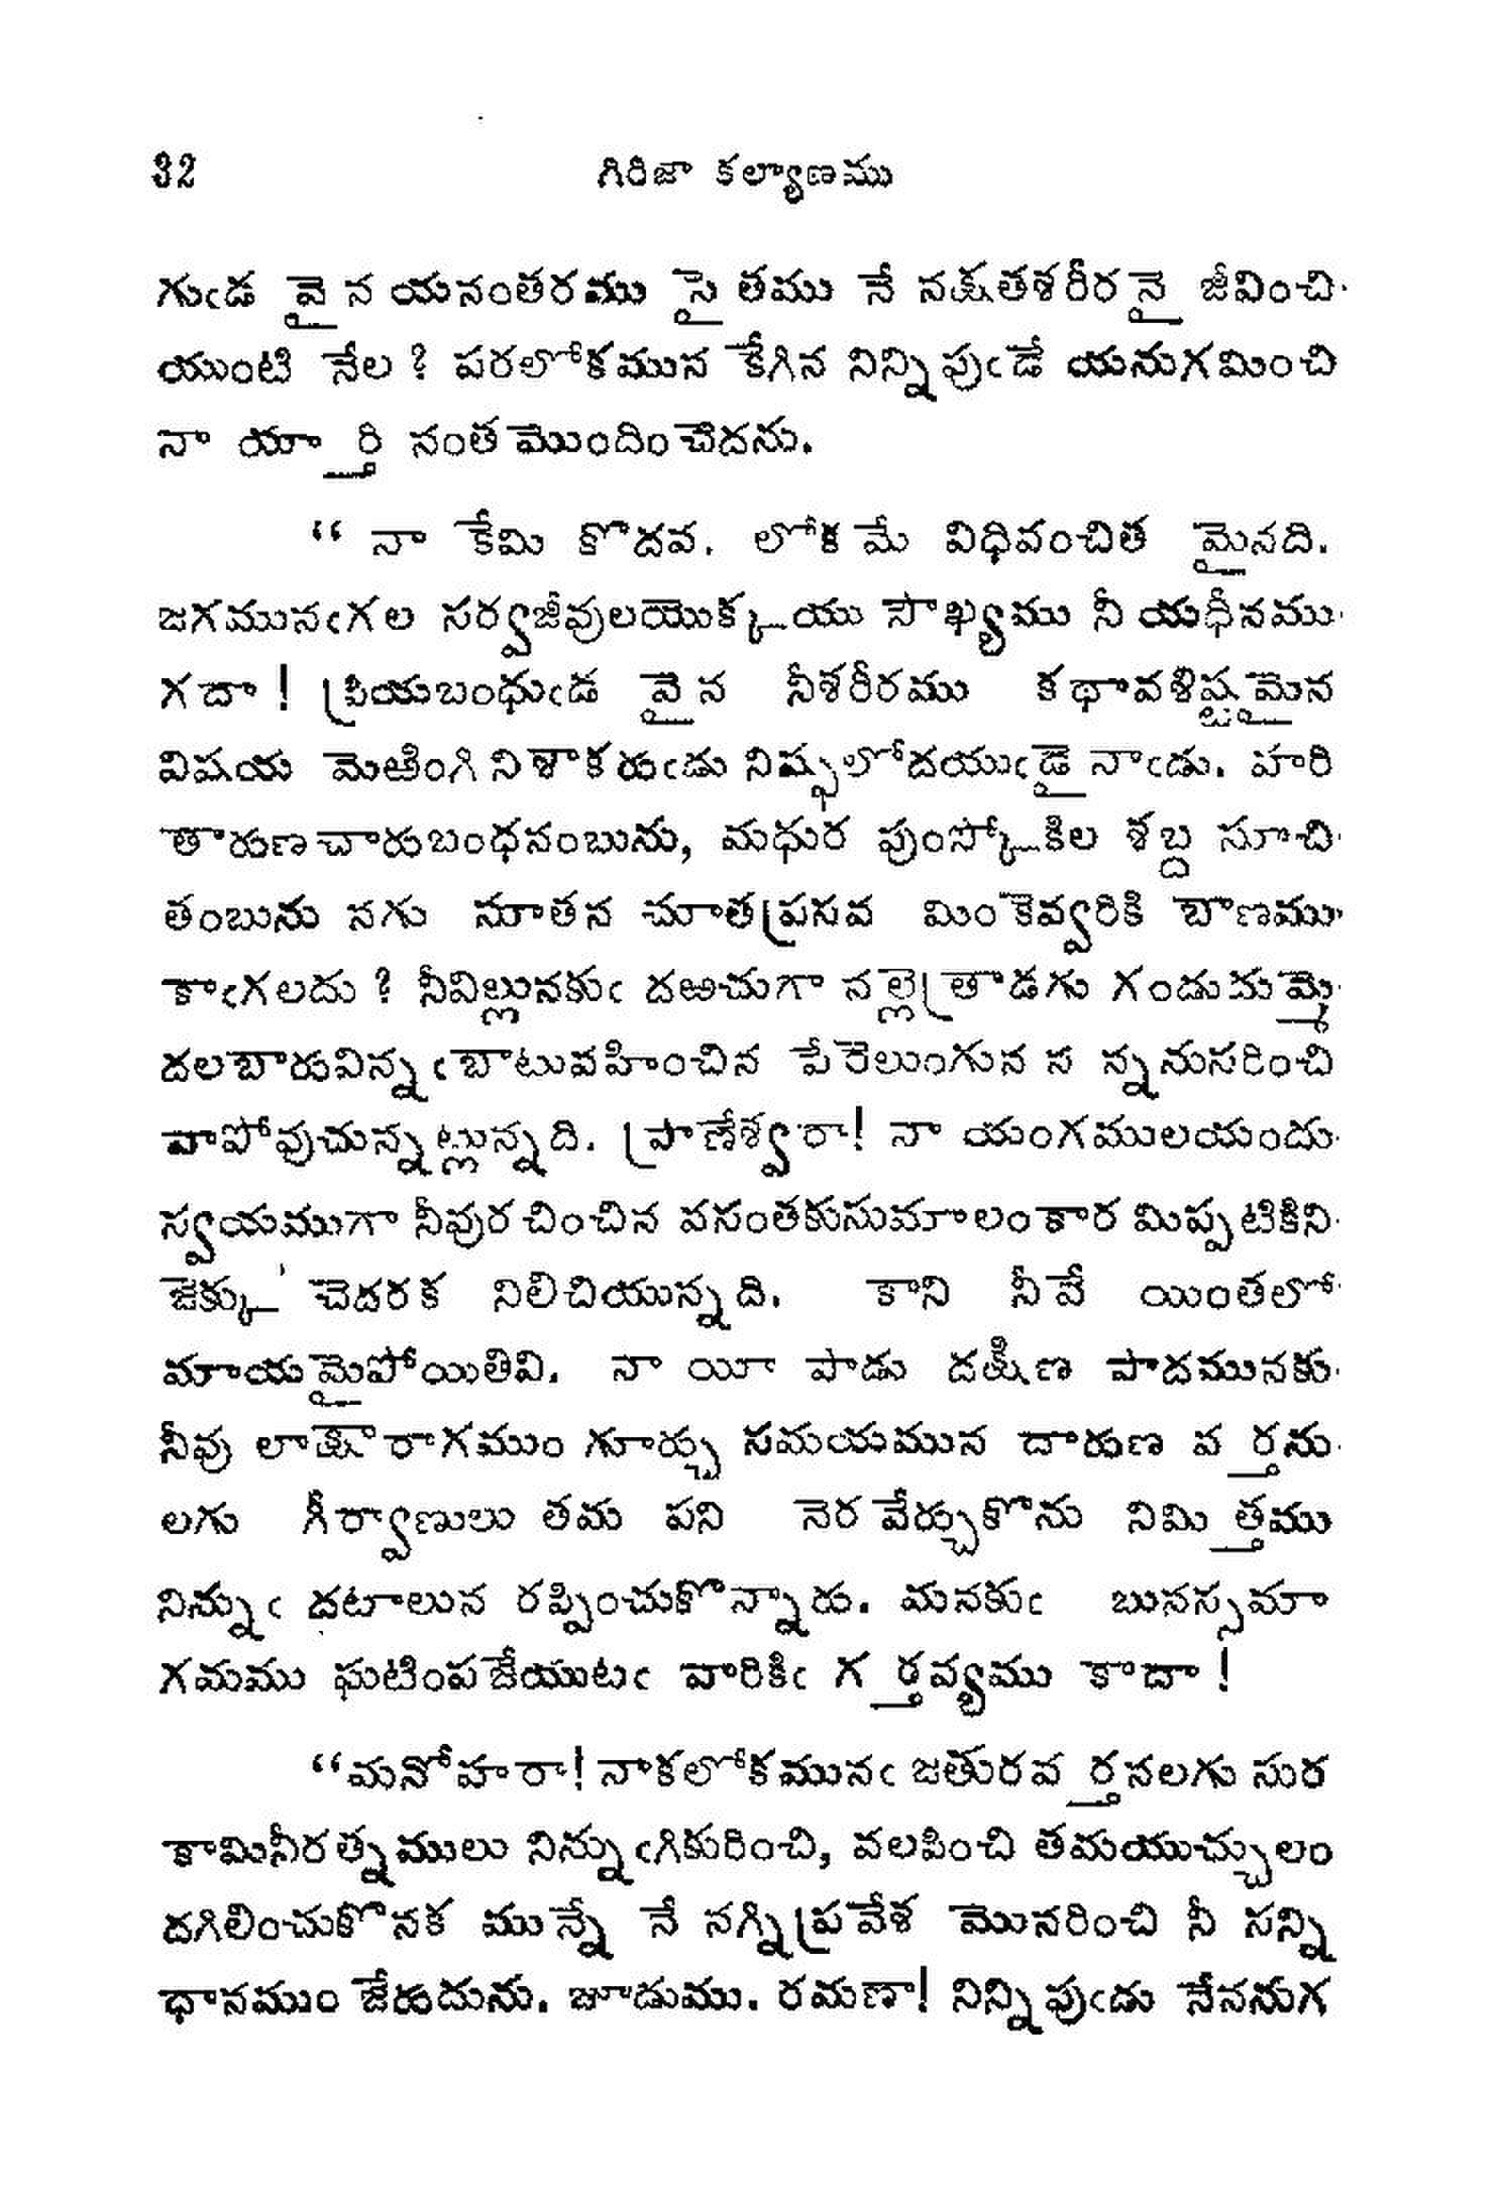గుఁడ వైన యనంతరము సైతమునే నక్షతశరీరనై జీవించి.యుంటి నేల ? పరలోకమున కేగిన నిన్ని పుఁడే యనుగమించి
నా యార్తి నంత మొందించెదను.

నా కేమి కొదవ, లోకమే విధివంచిత మైనది. జగమునఁగల సర్వజీవులయొక్కయు సౌఖ్యము నీ యధీనము గదా ! ప్రియబంధుఁడ వైన నీశరీరము కథావశిష్టమైన విషయ మెఱింగి నిశాకరుఁడు నిష్ఫలోదయుఁడై నాఁడు. హరి తారుణ చారుబంధనంబును, మధుర పుంస్కోకిల శబ్ద సూచితంబును నగు నూతన చూతప్రసవ మింకెవ్వరికి బాణము కాఁగలదు ? నీవిల్లునకుఁ దఱచుగా నల్లెత్రాడగు గండుదుమ్మెదలబారువిన్నఁ బాటువహించిన పేరెలుంగున న న్ననుసరించి
వాపోవుచున్నట్లున్నది. ప్రాణేశ్వరా! నా యంగములయందు స్వయముగా నీవురచించిన వసంత కుసుమాలంకార మిప్పటికిని జెక్కు చెదరక నిలిచియున్నది. కాని నీవే యింతలో మాయమైపోయితివి. నా యీ పాడు దక్షిణ పాదమునకు. నీవు లాక్షా రాగముం గూర్చు సమయమున దారుణ వర్తనులగు గీర్వాణులు తమ పని నెర వేర్చుకొను నిమి త్తము నిన్నుఁ దటాలున రప్పించుకొన్నారు. మనకుఁ బునస్సమాగమము ఘటింపజేయుటఁ వారికిఁ గర్తవ్యము కాదా !

“మనోహరా! నాకలోకమునఁ జతురవర్తనలగు సుర కామినీరత్నములు నిన్నుఁగికురించి, వలపించి తమయుచ్చులం
దగిలించుకొనక మున్నే నే నగ్ని ప్రవేశ మొనరించి నీ సన్ని ధానముం జేరుదును, జూడుము. రమణా! నిన్ని పుఁడు నేననుగ